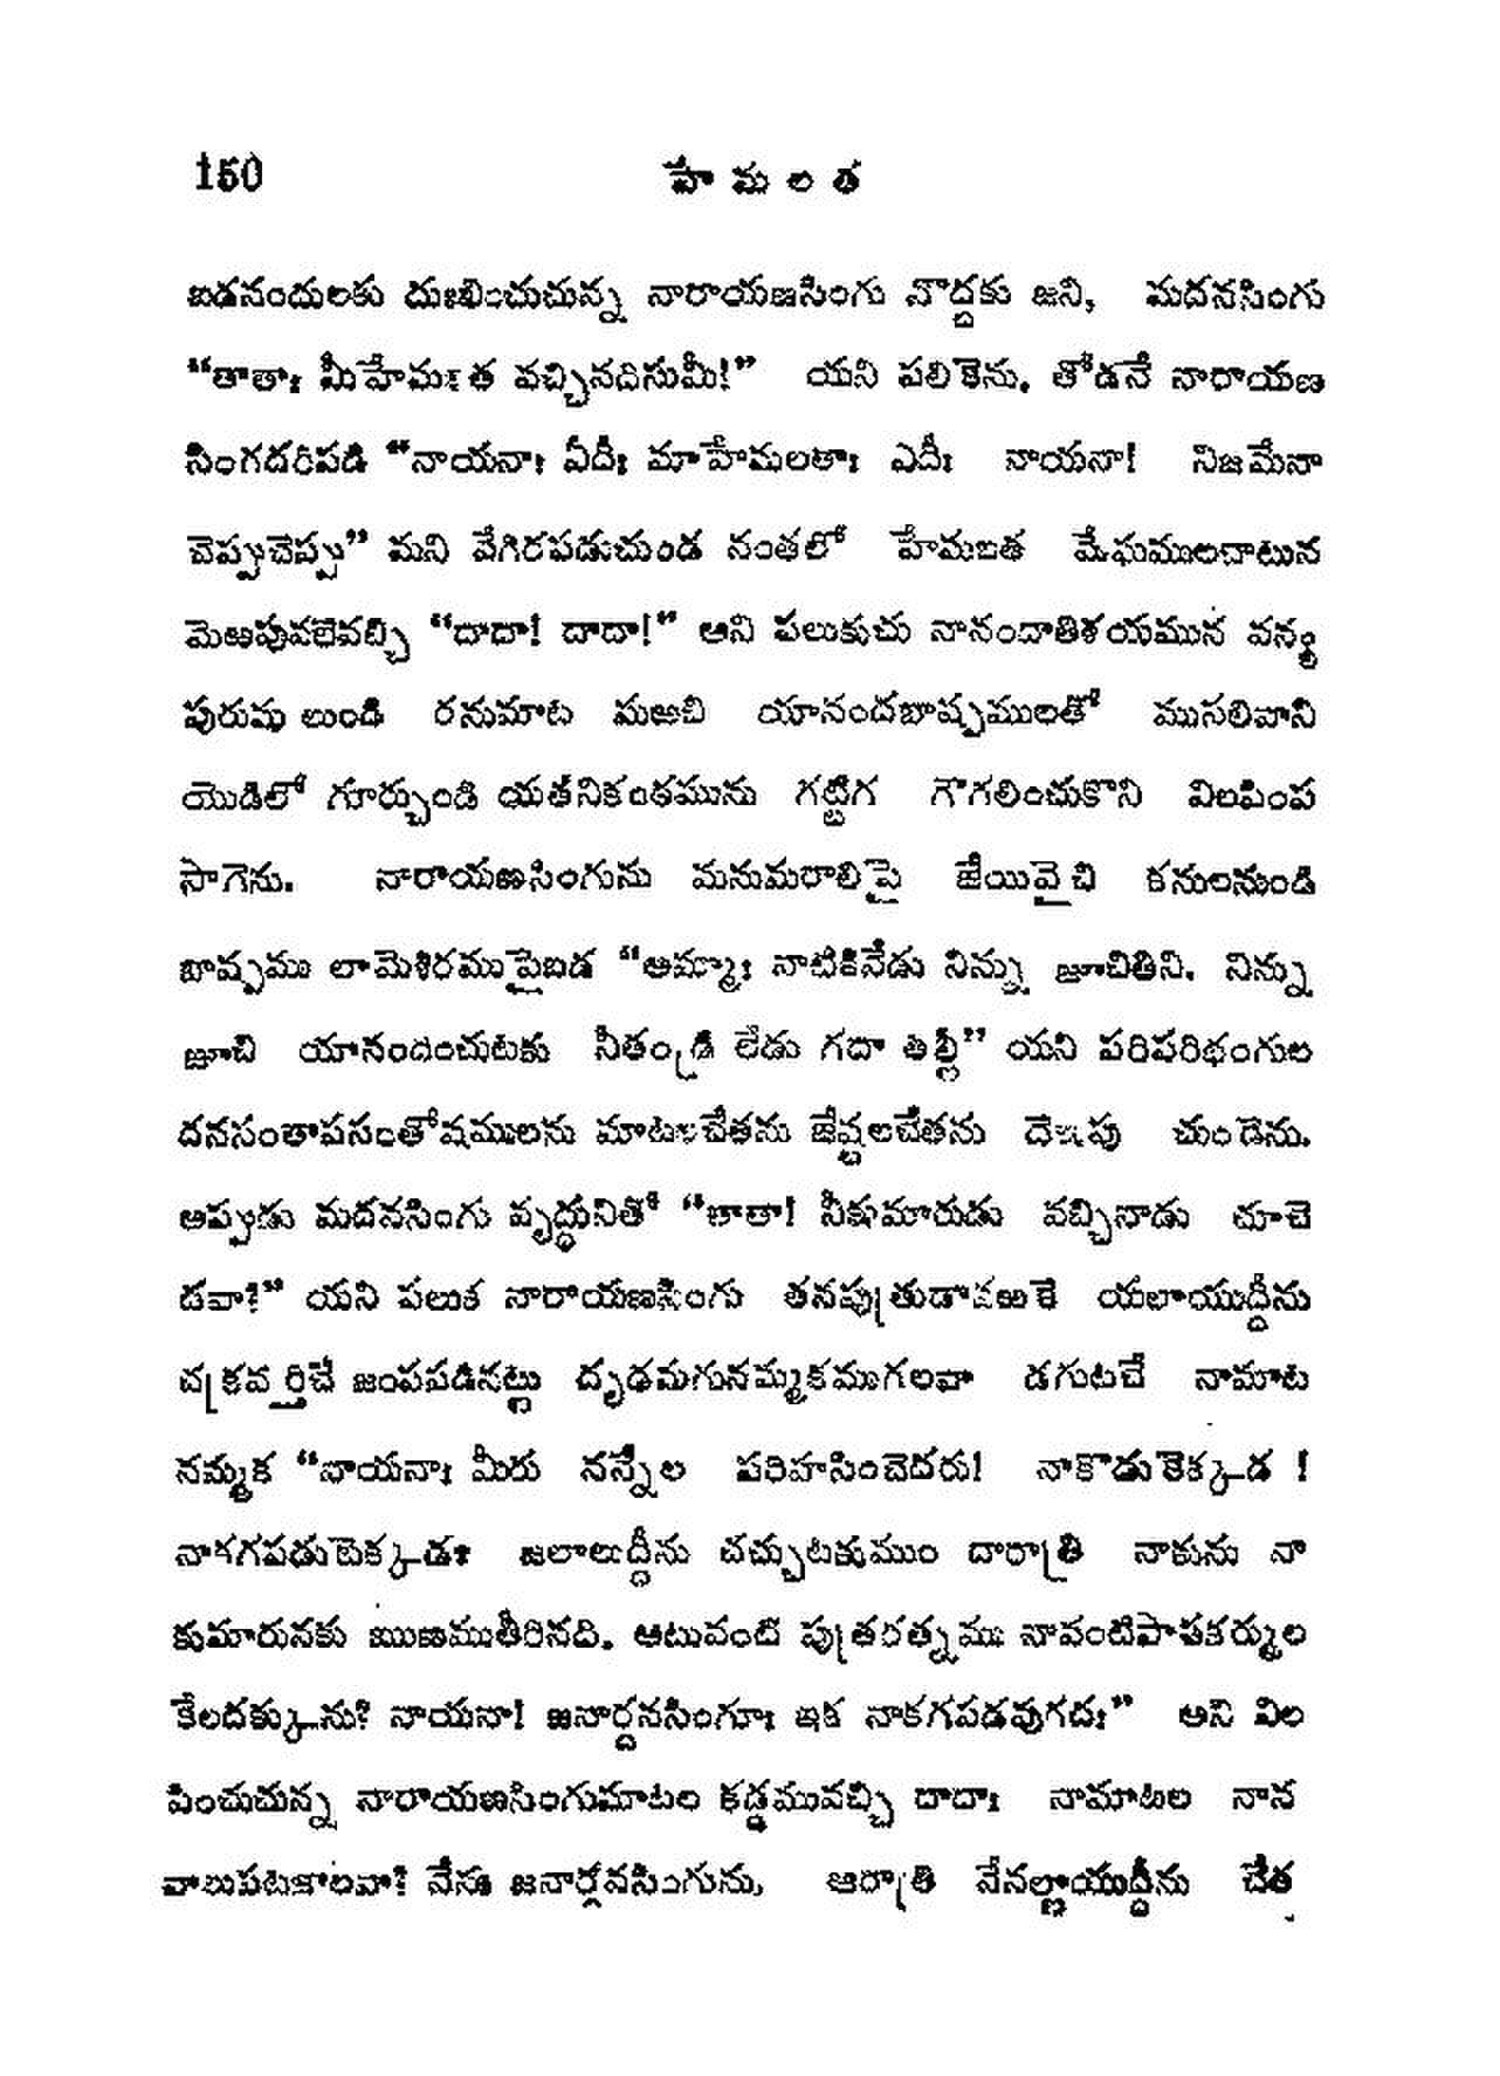బడనందులకు దుఃఖించుచున్న నారాయణసింగు నొద్దకు జని, మదనసింగు “తాతా! మీ హేమలత వచ్చినది సుమీ!” యని పలికెను. తోడనే నారాయణ సింగదరిపడి “నాయనా! ఏదీ? మాహేమలతా! ఏదీ? నాయనా! నిజమేనా చెప్పచెప్పు” మని వేగిరపడుచుండ నంతలో హేమలత మేఘములచాటున
మెఱపువలెవచ్చి “దాదా! దాదా!” అని పలుకుచు నానందాతిశయమున నన్యపురుషులుండి రనుమాట మఱచి యానందభాష్పములతో ముసలివాని యొడిలో గూర్చుండి యతనికంఠమును గట్టిగ గౌగలించుకొని విలపింప సాగెను. నారాయణసింగును మనుమరాలిపై జేయివైచి కనులనుండి భాష్పము లామెశిరము పైబడ “అమ్మా! నాటికి నేడు నిన్ను జూచితిని. నిన్ను జూచి యానందించుటకు నీతండ్రి లేడు గదా తల్లీ” యని పరిపరిభంగుల దనసంతాపసంతోషములను మాటలచేతను జేష్టలచేతను దెలుపుచుండెను. అప్పుడు మదనసింగు వృద్ధునితో “తాతా! నీకుమారుడు వచ్చినాడు చూచెదవా?” యని పలుక నారాయణసింగు తనపుత్రుడావఱకె యలాయుద్దీను చక్రవర్తిచే జంపపడినట్లు దృఢమగునమ్మకముగలవా డగుటచే నామాట నమ్మక “నాయనా! మీరు నన్నేల పరిహసించెదరు! నాకొడుకెక్కడ! నాకగపడుటెక్కడ? జలాలుద్దీను చచ్చుటకుముం దారాత్రి నాకును నా కుమారునకు ఋణము తీరినది. అటువంటి పుత్రరత్నము నావంటిపాపకర్ముల కేలదక్కును? నాయనా! జనార్ధనసింగూ! ఇక నాకగపడవుగద!” అని విలపించుచున్న నారాయణసింగుమాటల కడ్డమువచ్చి “దాదా! నామాటల నానవాలు పట్టజాలవా! నేను జనార్ధనసింగును, ఆరాత్రి నేనల్లాయుద్దీను చేత